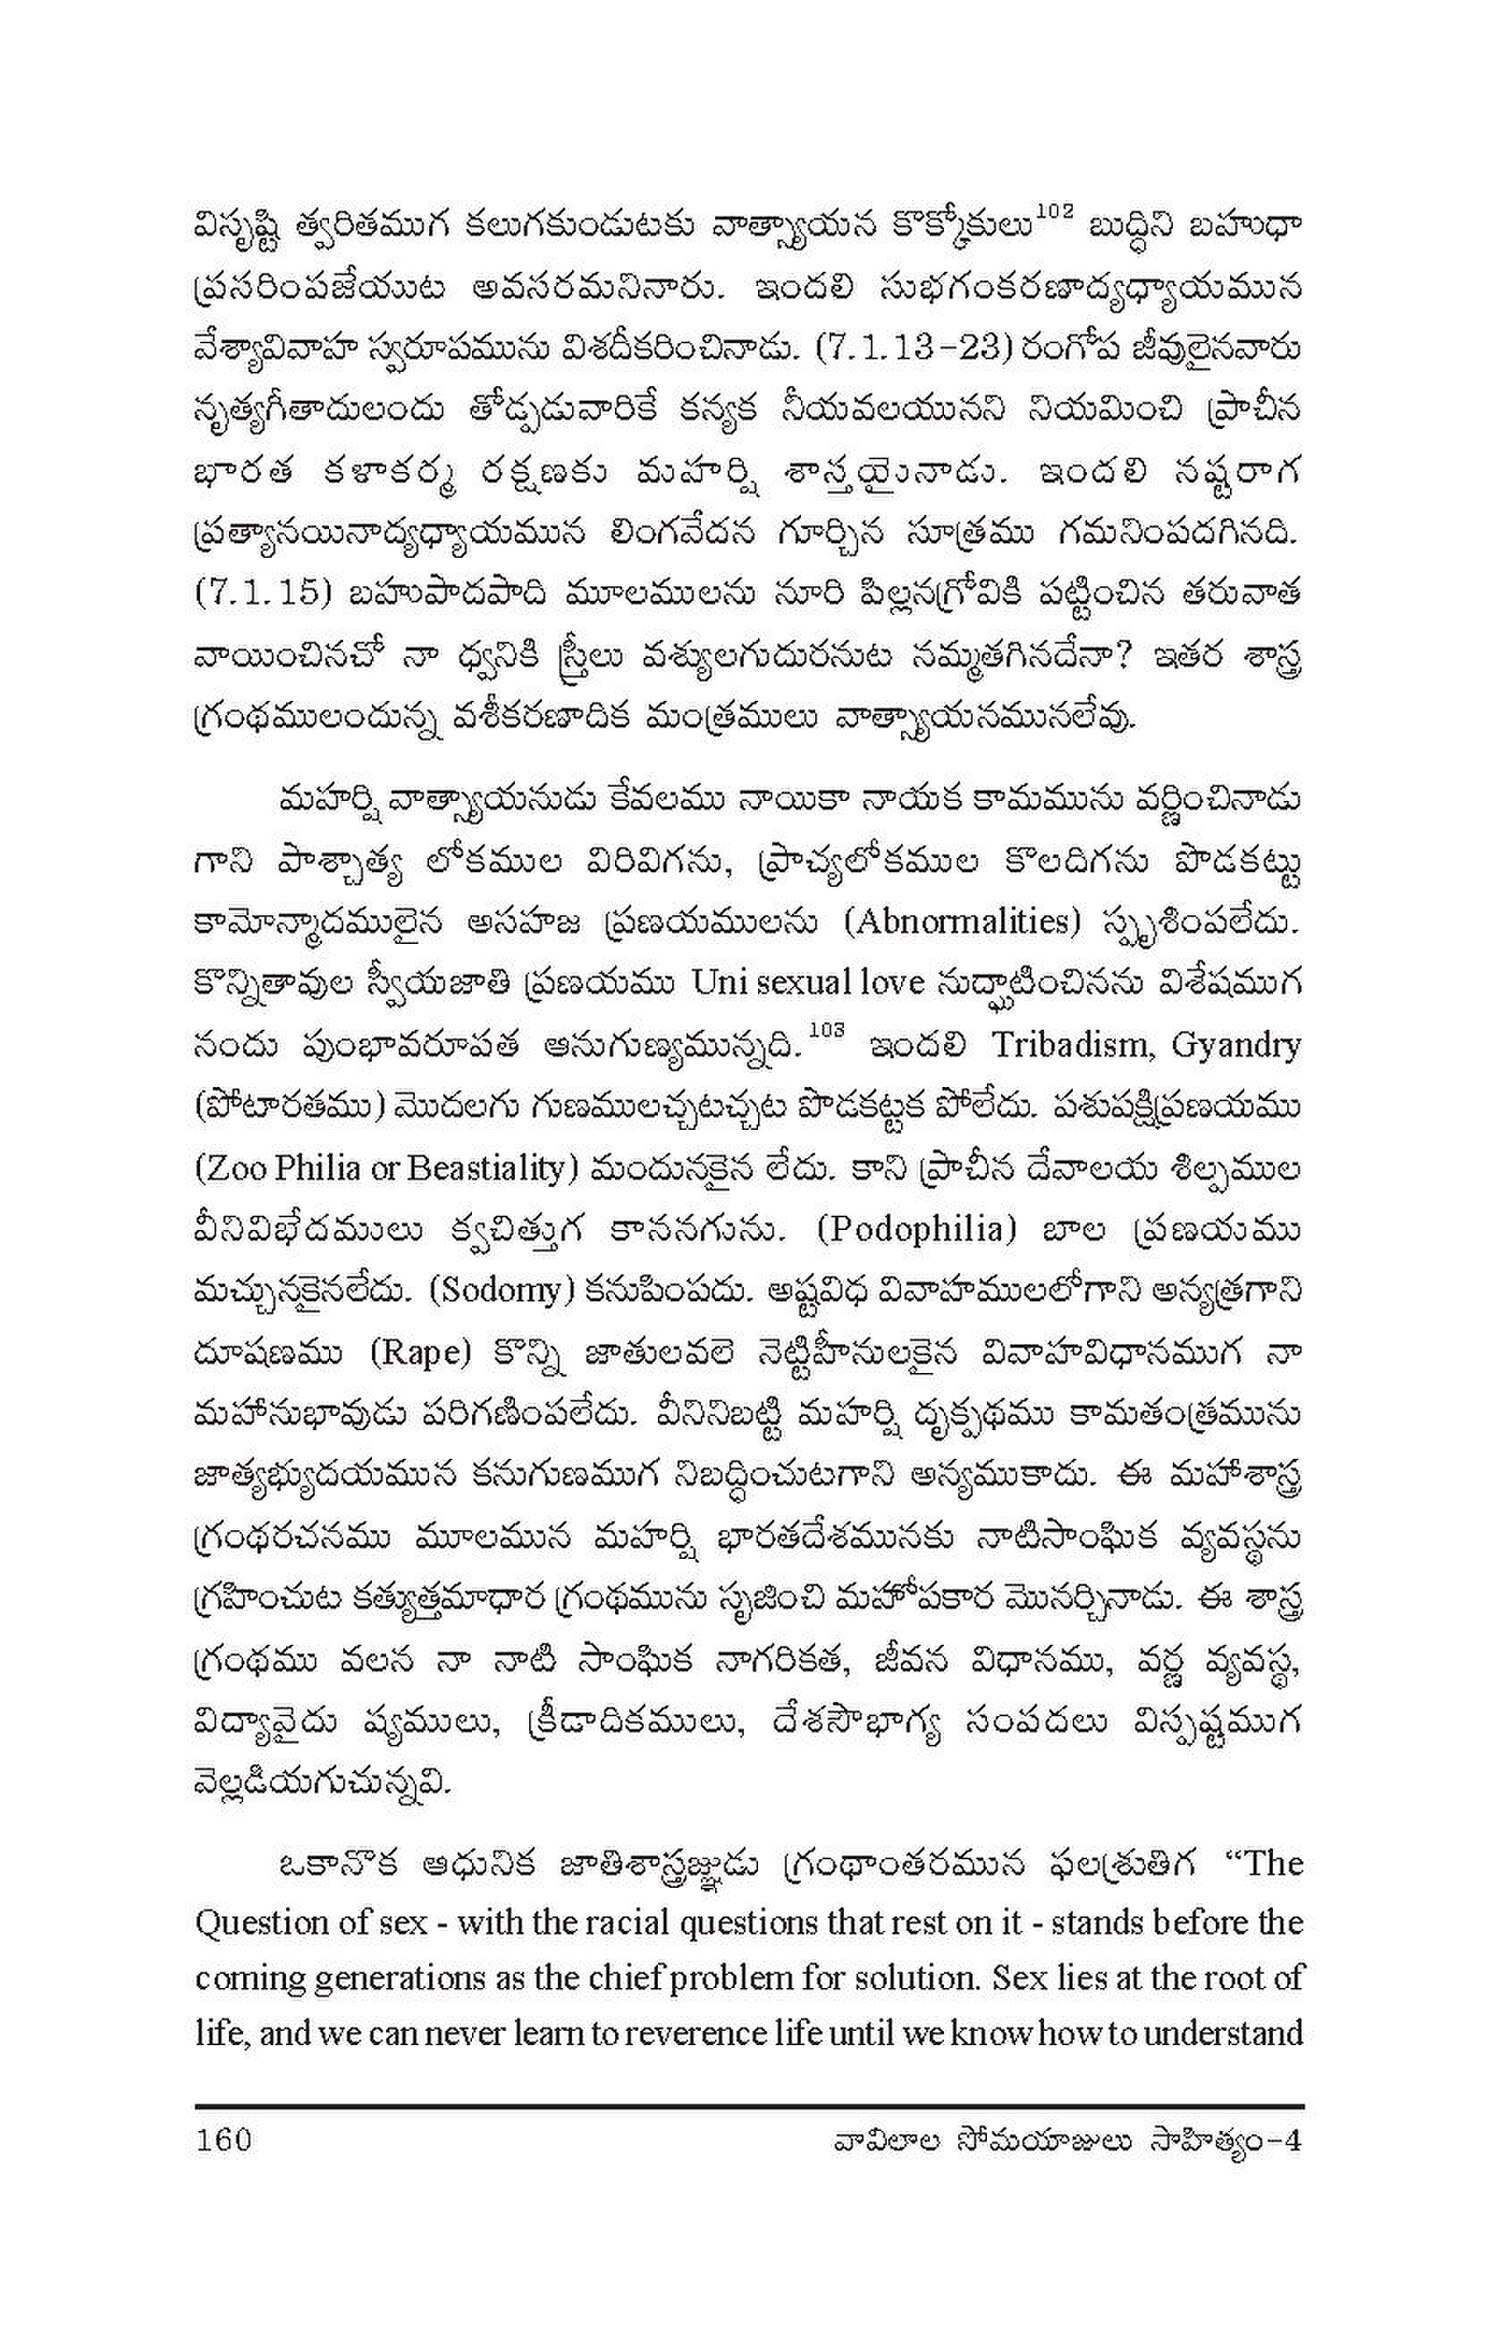విసృష్టి త్వరితముగ కలుగకుండుటకు వాత్స్యాయన కొక్కోకులు బుద్ధిని బహుధా
ప్రసరింపజేయుట అవసరమనినారు. ఇందలి సుభగంకరణాద్యధ్యాయమున
వేశ్యావివాహ స్వరూపమును విశదీకరించినాడు. (7.1.13-23) రంగోప జీవులైనవారు
నృత్యగీతాదులందు తోడ్పడువారికే కన్యక నీయవలయునని నియమించి ప్రాచీన
భారత కళాకర్మ రక్షణకు మహర్షి శాస్తయైనాడు. ఇందలి నష్టరాగ
ప్రత్యానయినాద్యధ్యాయమున లింగవేదన గూర్చిన సూత్రము గమనింపదగినది.
(7.1.15) బహుపాదపాది మూలములను నూరి పిల్లనగ్రోవికి పట్టించిన తరువాత
వాయించినచో నా ధ్వనికి స్త్రీలు వశ్యులగుదురనుట నమ్మతగినదేనా? ఇతర శాస్త్ర
గ్రంథములందున్న వశీకరణాదిక మంత్రములు వాత్స్యాయనమునలేవు.

మహర్షి వాత్స్యాయనుడు కేవలము నాయికా నాయక కామమును వర్ణించినాడు
గాని పాశ్చాత్య లోకముల విరివిగను, ప్రాచ్యలోకముల కొలదిగను పొడకట్టు
కామోన్మాదములైన అసహజ ప్రణయములను (Abnormalities) స్పృశింపలేదు.
కొన్నితావుల స్వీయజాతి ప్రణయము Uni sexual love నుద్ఘాటించినను విశేషముగ
నందు పుంభావరూపత అనుగుణ్యమున్నది.” ఇందలి Tribadism, Gyandry
(పోటారతము) మొదలగు గుణములచ్చటచ్చట పొడకట్టక పోలేదు. పశుపక్షిప్రణయము
(Zoo Philia or Beastiality) మందునకైన లేదు. కాని ప్రాచీన దేవాలయ శిల్పముల
వీని విభేదములు క్వచిత్తుగ కాననగును. (Podophilia) బాల ప్రణయము
మచ్చునకైనలేదు. (Sodomy) కనుపింపదు. అష్టవిధ వివాహములలోగాని అన్యత్రగాని
దూషణము (Rape) కొన్ని జాతులవలె నెట్టిహీనులకైన వివాహవిధానముగ నా
మహానుభావుడు పరిగణింపలేదు. వీనినిబట్టి మహర్షి దృక్పథము కామతంత్రమును
జాత్యభ్యుదయమున కనుగుణముగ నిబద్ధించుటగాని అన్యముకాదు. ఈ మహాశాస్త్ర
గ్రంథరచనము మూలమున మహర్షి భారతదేశమునకు నాటి సాంఘిక వ్యవస్థను
గ్రహించుట కత్యుత్తమాధార గ్రంథమును సృజించి మహోపకార మొనర్చినాడు. ఈ శాస్త్ర
గ్రంథము వలన నా నాటి సాంఘిక నాగరికత, జీవన విధానము, వర్ణ వ్యవస్థ,
విద్యావైదు ష్యములు, క్రీడాదికములు, దేశసౌభాగ్య సంపదలు విస్పష్టముగ
వెల్లుచున్నవి.

ఒకానొక ఆధునిక జాతిశాస్త్రజ్ఞుడు గ్రంథాంతరమున ఫలశ్రుతిగ “The
Question of sex - with the racial questions that rest on it - stands before the
coming generations as the chief problem for solution. Sex lies at the root of
life, and we can never learn to reverence life until we know how to understand